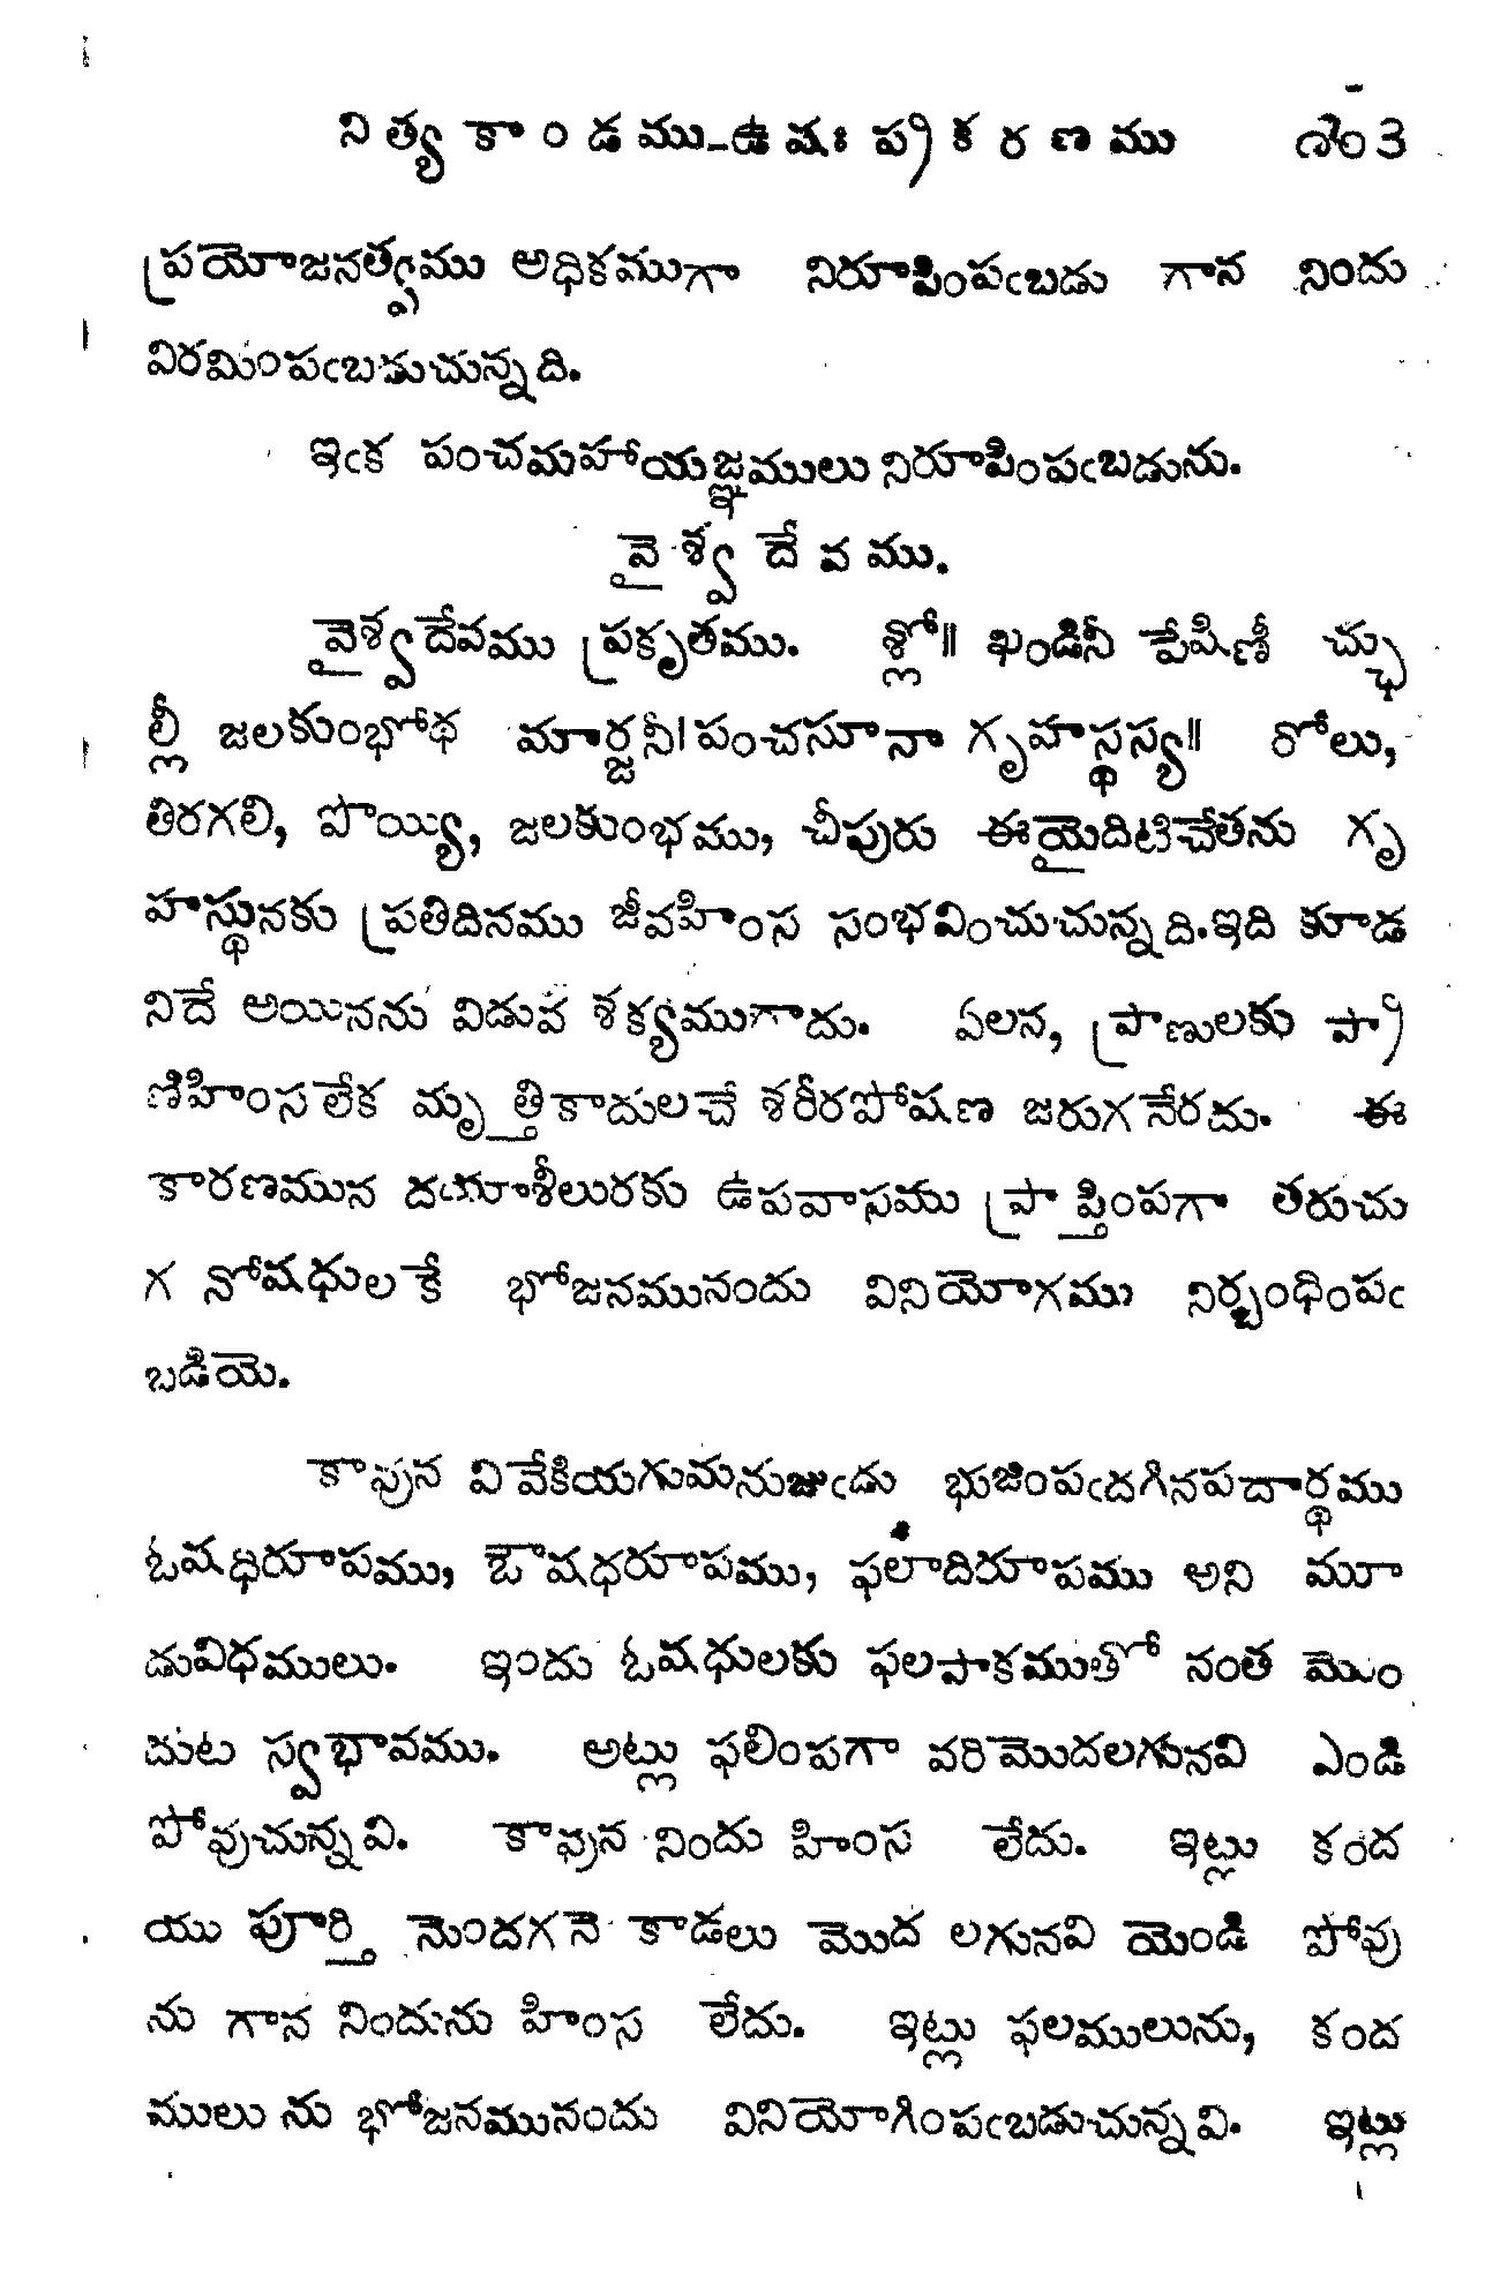ప్రయోజనత్వము అధికముగా నిరూపింపఁబడు గాన నిందు విరమింపఁబడుచున్నది.

వైశ్వదేవము ప్రకృతము. శ్లో॥ ఖండినీ పేషిణీ చ్ఛుల్లీ జలకుంభోథ మార్జనీ। పంచసూనా గృహస్థస్య॥ రోలు,
తిరగలి, పొయ్యి, జలకుంభము, చీపురు ఈయైదిటిచేతను గృహస్థునకు ప్రతిదినము జీవహింస సంభవించుచున్నది. ఇది కూడనిదే అయినను విడువ శక్యముగాదు. ఏలన, ప్రాణులకు ప్రాణిహింసలేక మృత్తికాదులచే శరీరపోషణ జరుగనేరదు. ఈకారణమున దయాశీలురకు ఉపవాసము ప్రాప్తింపగా తరుచుగ నోషధులకే భోజనమునందు వినియోగము నిర్బంధింపఁబడియె.

కావున వివేకియగుమనుజుఁడు భుజింపఁదగిన పదార్థము ఓషధిరూపము, ఔషధరూపము, ఫలాదిరూపము అని మూడువిధములు. ఇందు ఓషధులకు ఫలపాకముతో నంత మొందుట స్వభావము. అట్లు ఫలింపగా వరిమొదలగునవి ఎండిపోవుచున్నవి. కావున నిందు హింస లేదు. ఇట్లు కందయు పూర్తి నొందగనె కాడలు మొదలగునవి యెండి పోవును గాన నిందును హింస లేదు. ఇట్లు ఫలములును, కందములును భోజనమునందు వినియోగింపఁబడుచున్నవి. ఇట్లు